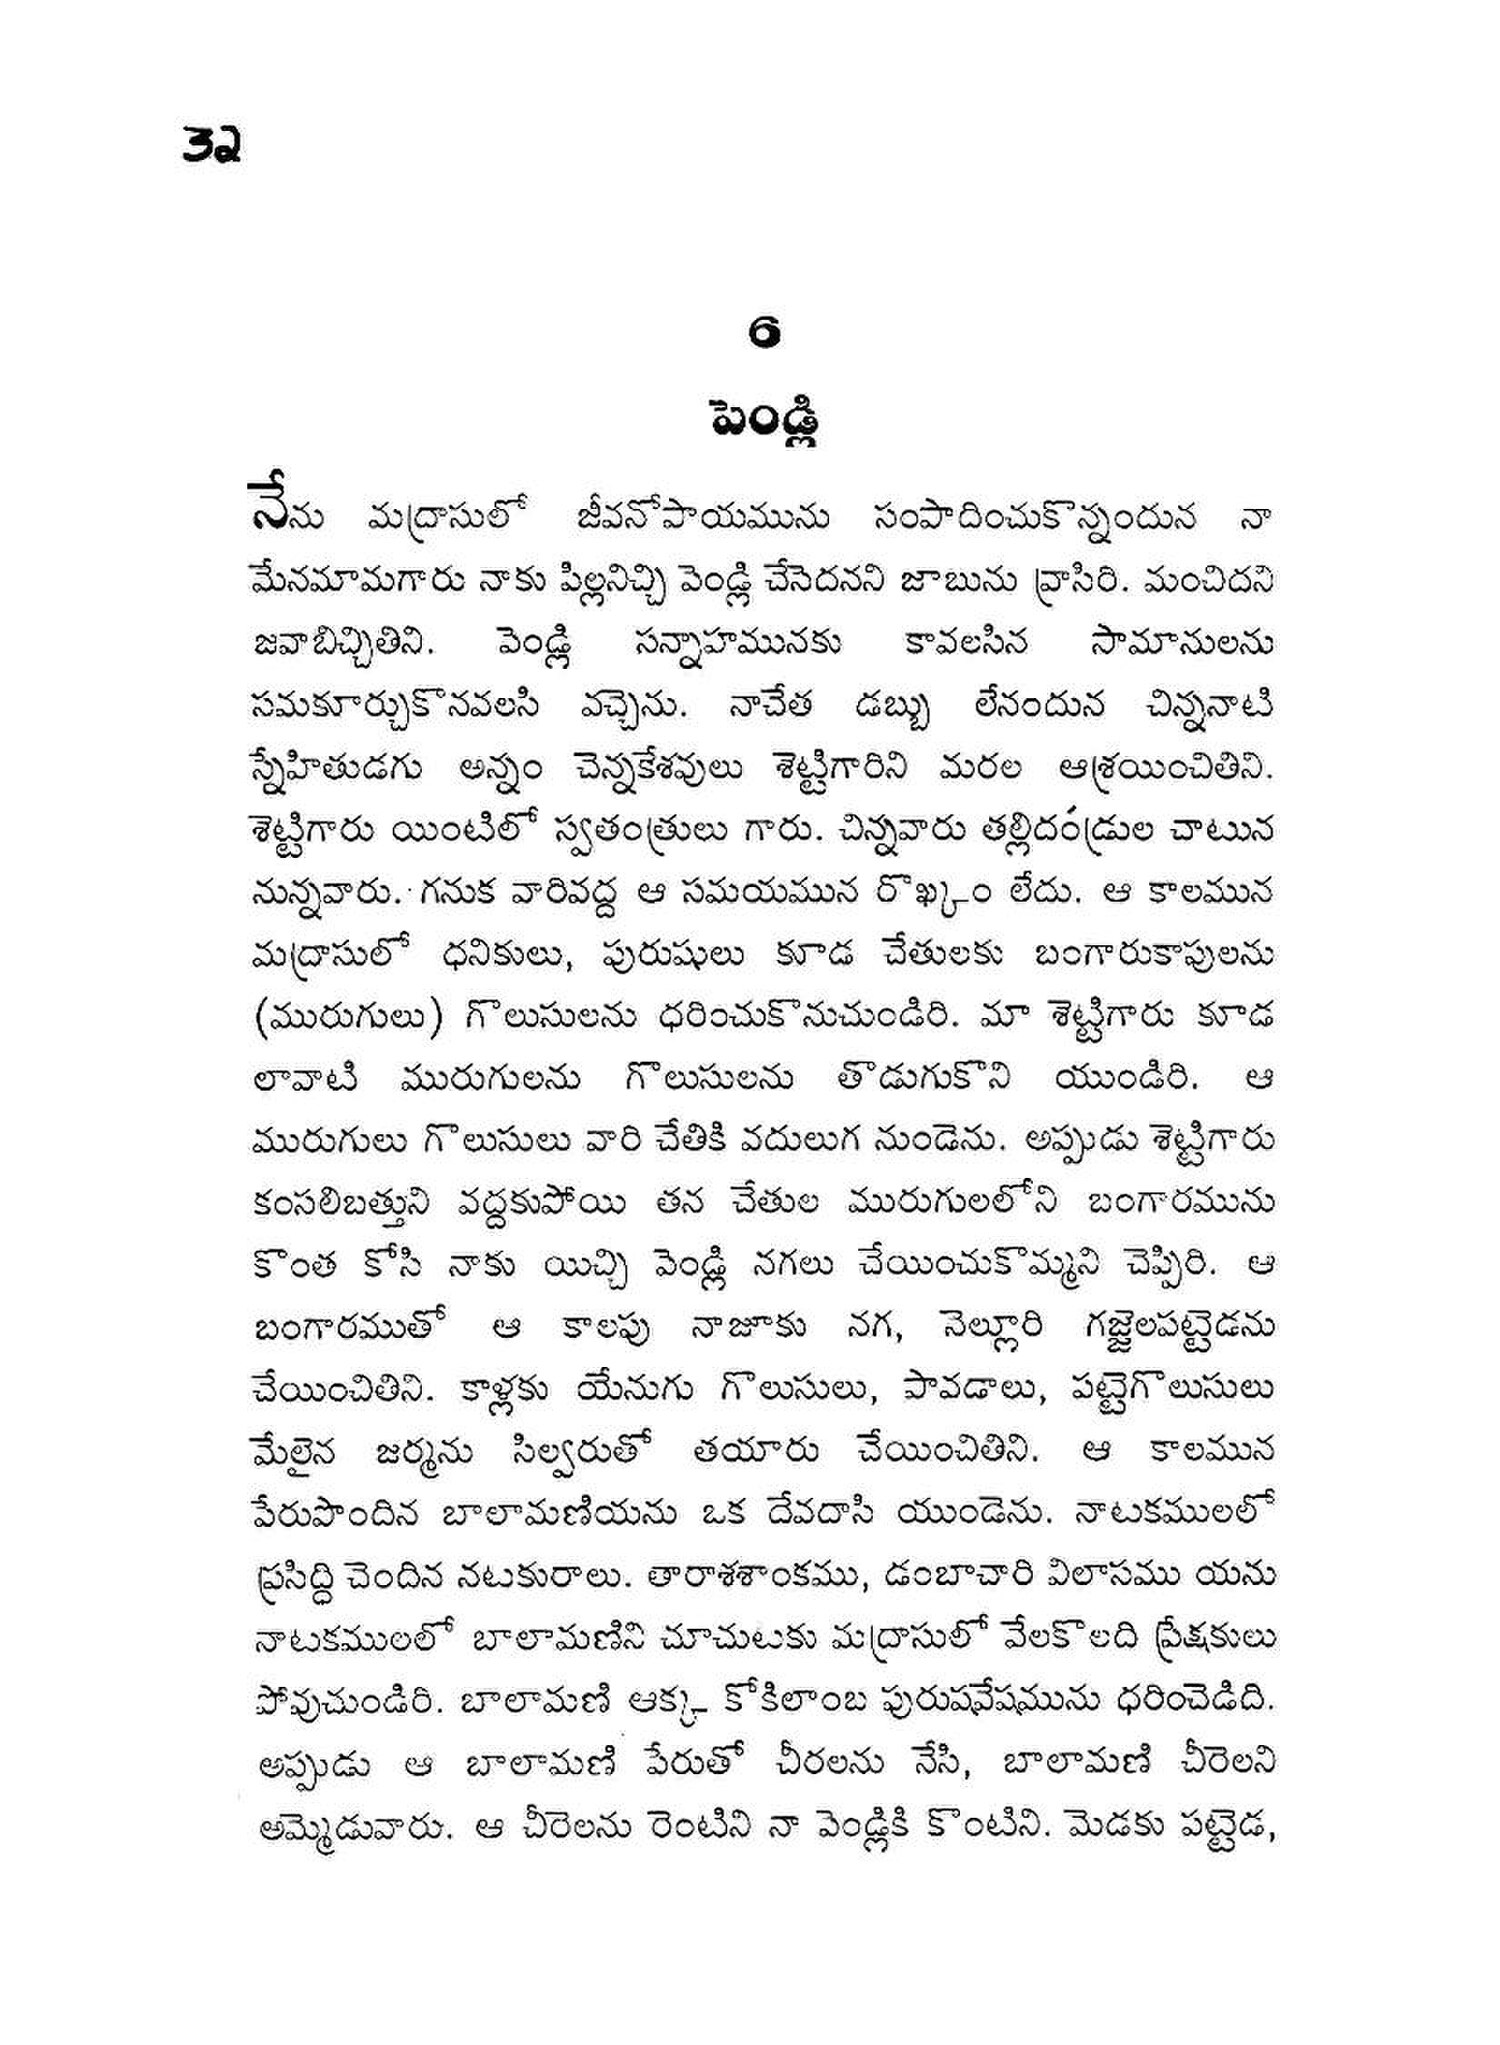నేను మద్రాసులో జీవనోపాయమును సంపాదించుకొన్నందున నా మేనమామగారు నాకు పిల్లనిచ్చి పెండ్లి చేసెదనని జాబును వ్రాసిరి. మంచిదని జవాబిచ్చితిని. పెండ్లి సన్నాహమునకు కావలసిన సామానులను సమకూర్చుకొనవలసి వచ్చెను. నాచేత డబ్బు లేనందున చిన్ననాటి స్నేహితుడగు అన్నం చెన్నకేశవులు శెట్టిగారిని మరల ఆశ్రయించితిని. శెట్టిగారు యింటిలో స్వతంత్రులు గారు. చిన్నవారు తల్లిదండ్రుల చాటున నున్నవారు. గనుక వారివద్ద ఆ సమయమున రొఖ్కం లేదు. ఆ కాలమున మద్రాసులో ధనికులు, పురుషులు కూడ చేతులకు బంగారుకాపులను (మురుగులు) గొలుసులను ధరించుకొనుచుండిరి. మా శెట్టిగారు కూడ లావాటి మురుగులను గొలుసులను తొడుగుకొని యుండిరి. ఆ మురుగులు గొలుసులు వారి చేతికి వదులుగ నుండెను. అప్పుడు శెట్టిగారు కంసలిబత్తుని వద్దకుపోయి తన చేతుల మురుగులలోని బంగారమును కొంత కోసి నాకు యిచ్చి పెండ్లి నగలు చేయించుకొమ్మని చెప్పిరి. ఆ బంగారముతో ఆ కాలపు నాజూకు నగ, నెల్లూరి గజ్జలపట్టెడను చేయించితిని. కాళ్లకు యేనుగు గొలుసులు, పావడాలు, పట్టెగొలుసులు మేలైన జర్మను సిల్వరుతో తయారు చేయించితిని. ఆ కాలమున పేరుపొందిన బాలామణియను ఒక దేవదాసి యుండెను. నాటకములలో ప్రసిద్ధి చెందిన నటకురాలు. తారాశశాంకము, డంబాచారి విలాసము యను నాటకములలో బాలామణిని చూచుటకు మద్రాసులో వేలకొలది ప్రేక్షకులు పోవుచుండిరి. బాలామణి అక్క కోకిలాంబ పురుషవేషమును ధరించెడిది. అప్పడు ఆ బాలామణి పేరుతో చీరలను నేసి, బాలామణి చీరెలని అమ్మెడువారు. ఆ చీరెలను రెంటిని నా పెండ్లికి కొంటిని. మెడకు పట్టెడ,